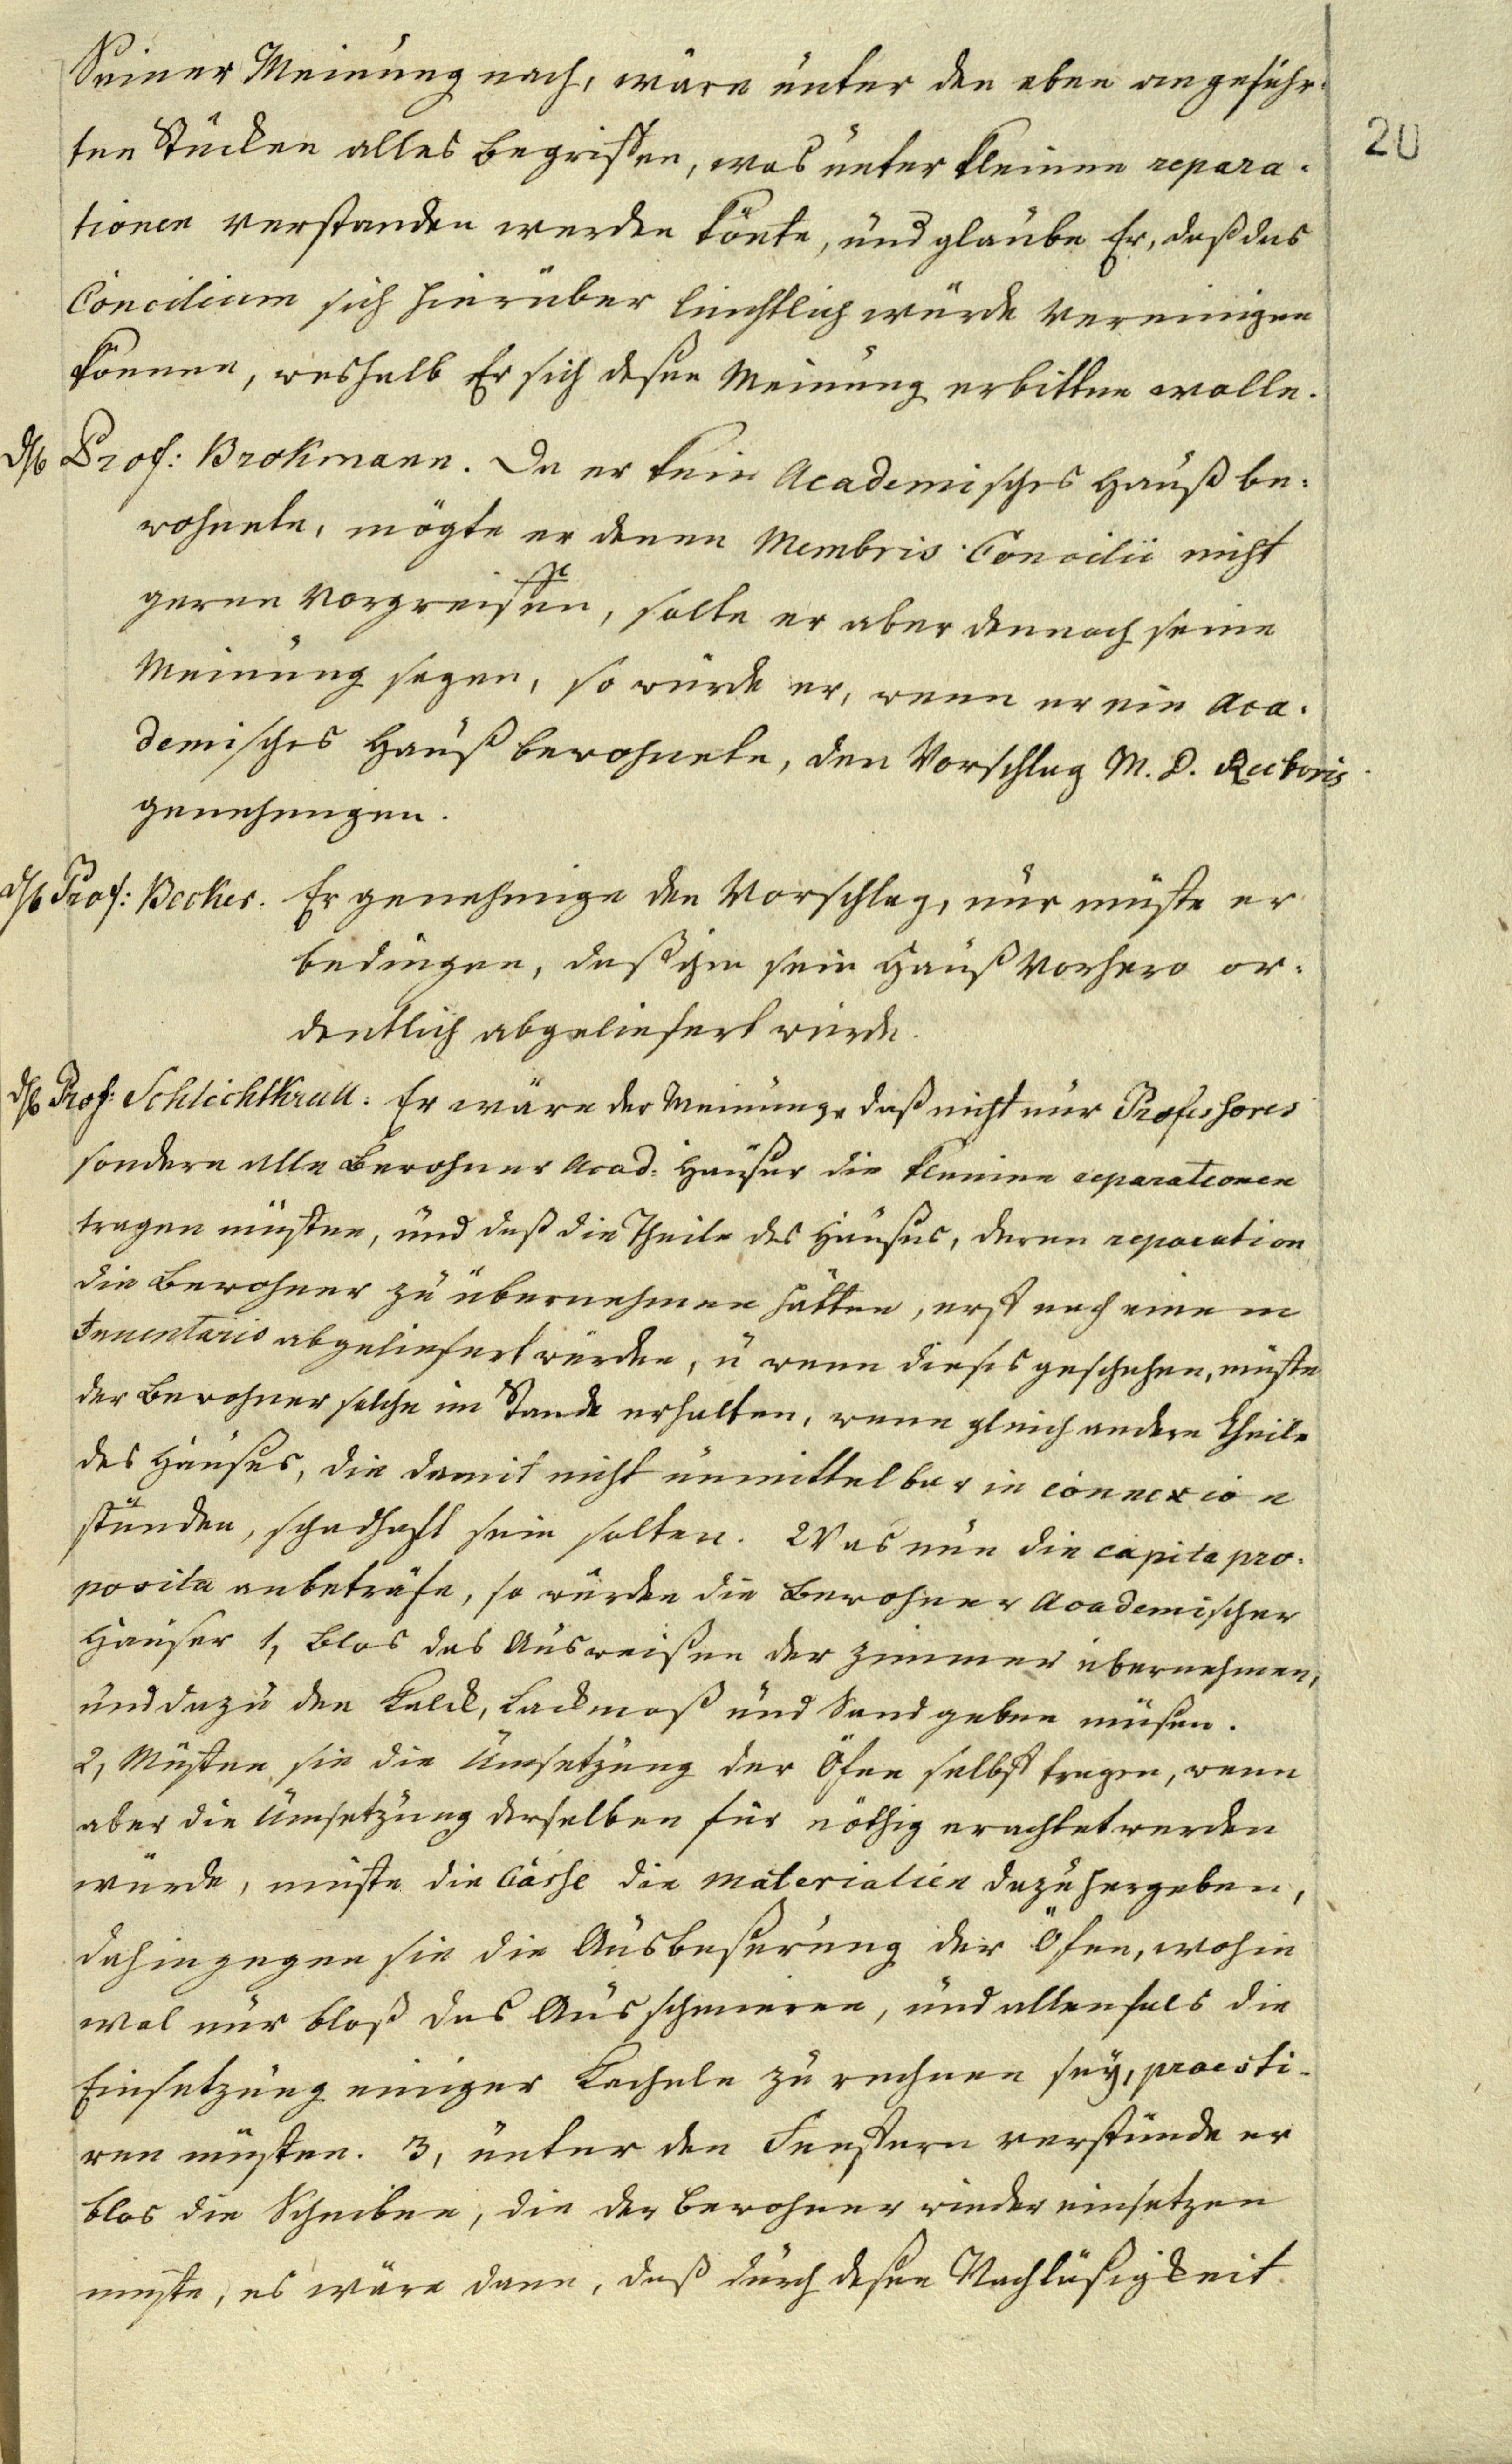Seiner Meinung nach, wäre unter den eben angeführ¬
ten Stücken alles begriffen, was unter kleinen repara¬
tionen verstanden werden könte, und glaube Er, daß das
Concilium sich hierüber leichtlich würde vereinigen
können, weshalb Er sich deßen Meinung erbitten wolle.
dh. Prof. Brokmann. Da er kein Academisches Hauß be¬
wohnete, mögte er denen Membris Concilii nicht
gerne vorgreiffen, solte er aber dennoch seine
Meinung sagen, so würde er, wenn er ein Aca¬
demisches Haus bewohnete, den Vorschlag M. D. Rectoris
genehmigen.
dh. Prof. Becker. Er genehmige den Vorschlag, nur müste er
bedingen, daß ihm sein Haus vorhero or¬
dentlich abgeliefert würde.
dh. Prof. Schlichtkrull. Er wäre der Meinung, daß nicht nur Professores
sondern alle Bewohner Acad. Häußer, die kleinen reparationen
tragen müsten, und daß die Theile des Haußes, deren reparation
die Bewohner zu übernehmen hätten, erst nach einem
Inventario abgeliefert würden, u wenn dieses geschehen, müste
der Bewohner solche im Stande erhalten, wenn gleich andere Theile
des Haußes, die damit nicht unmittelbar in connexion
stünden, schadhaft sein solten. Was nun die capita pro¬
posita anbeträfe, so würden die Bewohner Academischer
Häuser 1, blos das Ausweißen der Zimmer übernehmen,
und dazu den Kalck, Lackmoß und Sand geben müßen.
2, Müsten sie die Umsetzung der Öfen selbst tragen, wenn
aber die Umsetzung derselben für nöthig erachtet werden
würde, müste die Casse die Materialien dazu hergeben,
dahingegen sie die Ausbeßerung der Öfen, wohin
wol nur bloß das Ausschmieren, und allenfals die
Einsetzung einiger Kacheln zu rechnen seÿ, praesti¬
ren müsten. 3, unter den Fenstern verstünde er
blos die Scheiben, die der Bewohner wieder einsetzen
müste, es wäre dann, daß durch deßen Nachläßigkeit